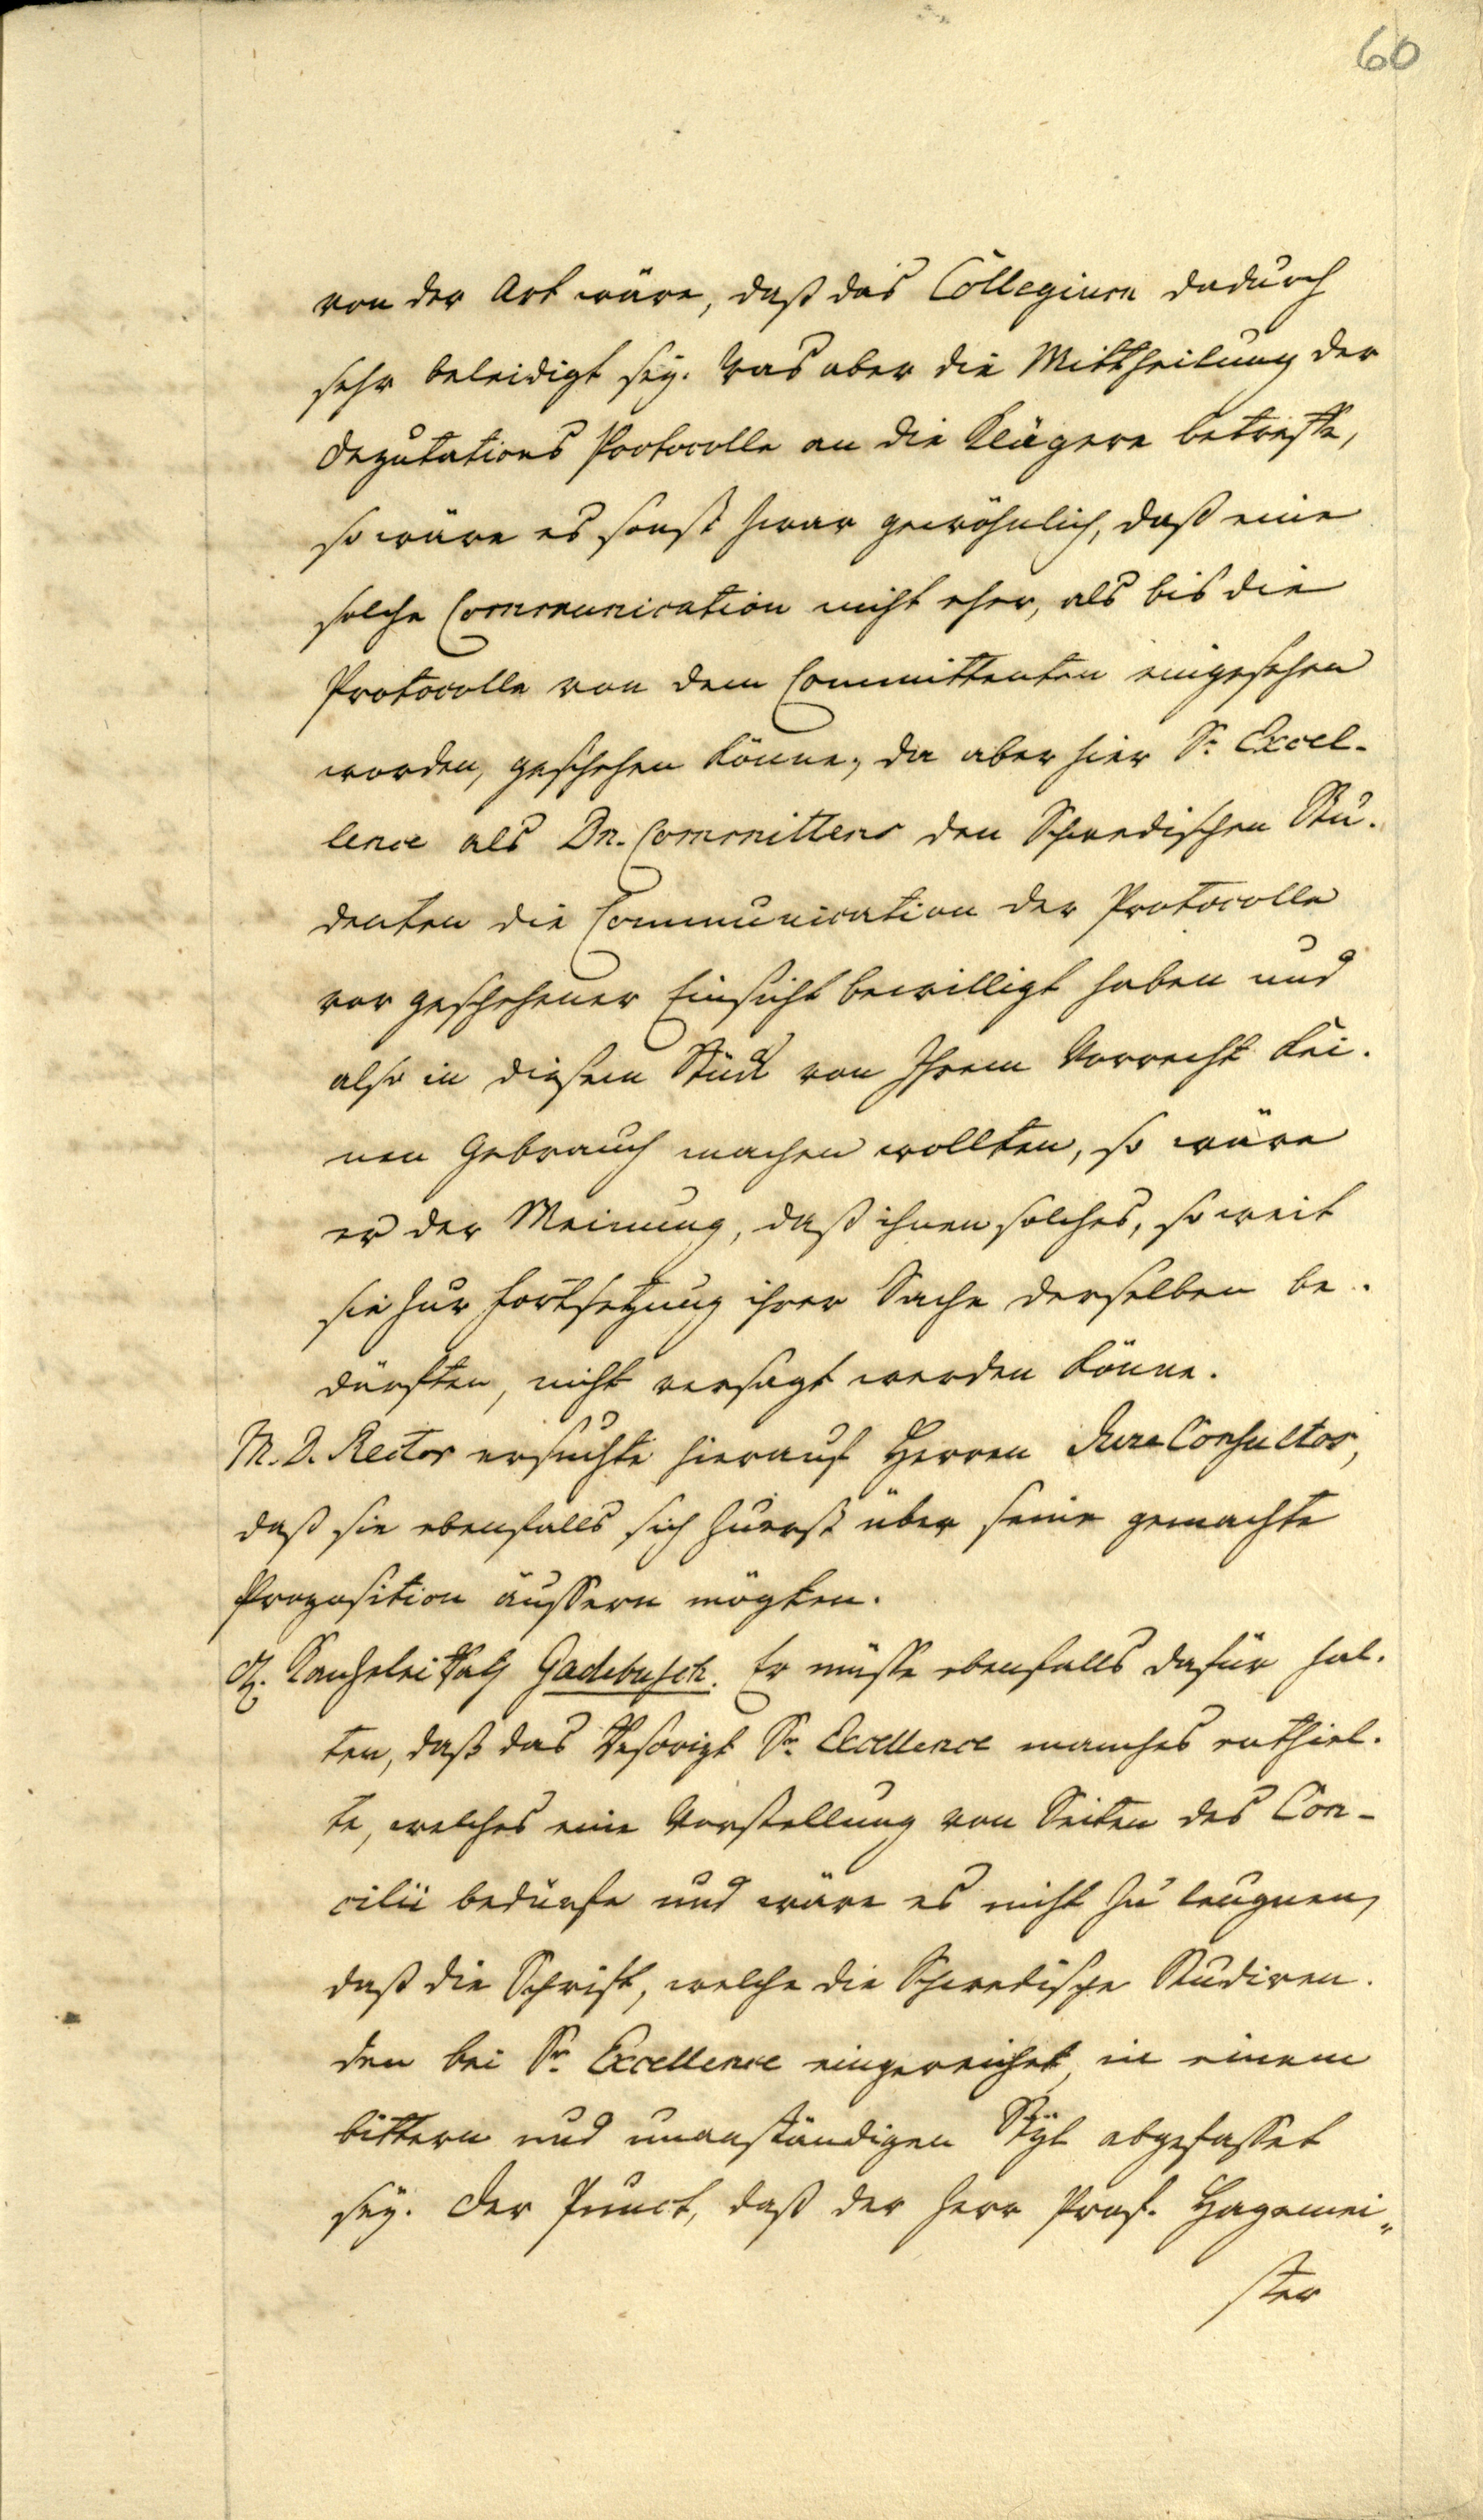von der Art wäre, daß das Collegium dadurch
sehr beleidigt seÿ. Was aber die Mittheilung der
Deputations Protocolle an die Klägern betreffe,
so wäre es sonst zwar gewöhnlich, daß eine
solche Communication nicht eher, als bis die
Protocolle von dem Committenten eingesehen
worden, geschehen könne; da aber hier Sr. Excel¬
lence als Dn. Commitlens den Schwedischen Stu¬
denten die Communication der Protocolle
vor geschehener Einsicht bewilligt haben und
also in diesem Stück von Ihrem Vorrecht kei¬
nen Gebrauch machen wollten, so wäre
er der Meinung, daß ihnen solches, so weit
sie zur Fortsetzung ihrer Sache derselben be¬
dürften, nicht versagt werden könne.
M. D. Rector ersuchte hierauf Herren JureConsultos,
daß sie ebenfalls sich zuerst über seine gemachte
Proposition äussern mögten.
dh. KanzeleiRath Gadebusch. Er müsse ebenfalls dafür hal¬
ten, daß das Rescript Sr. Excellence manches enthiel¬
te, welches eine Vorstellung von Seiten des Con¬
cilii bedürfe und wäre es nicht zu leugnen,
daß die Schrift, welche die Schwedische Studiren¬
den bei Sr Excellence eingereichet, in einem
bittern und unanständigen Stÿl abgefasset
seÿ. Der Punct, daß der Herr Prof. Hagemei¬
ster